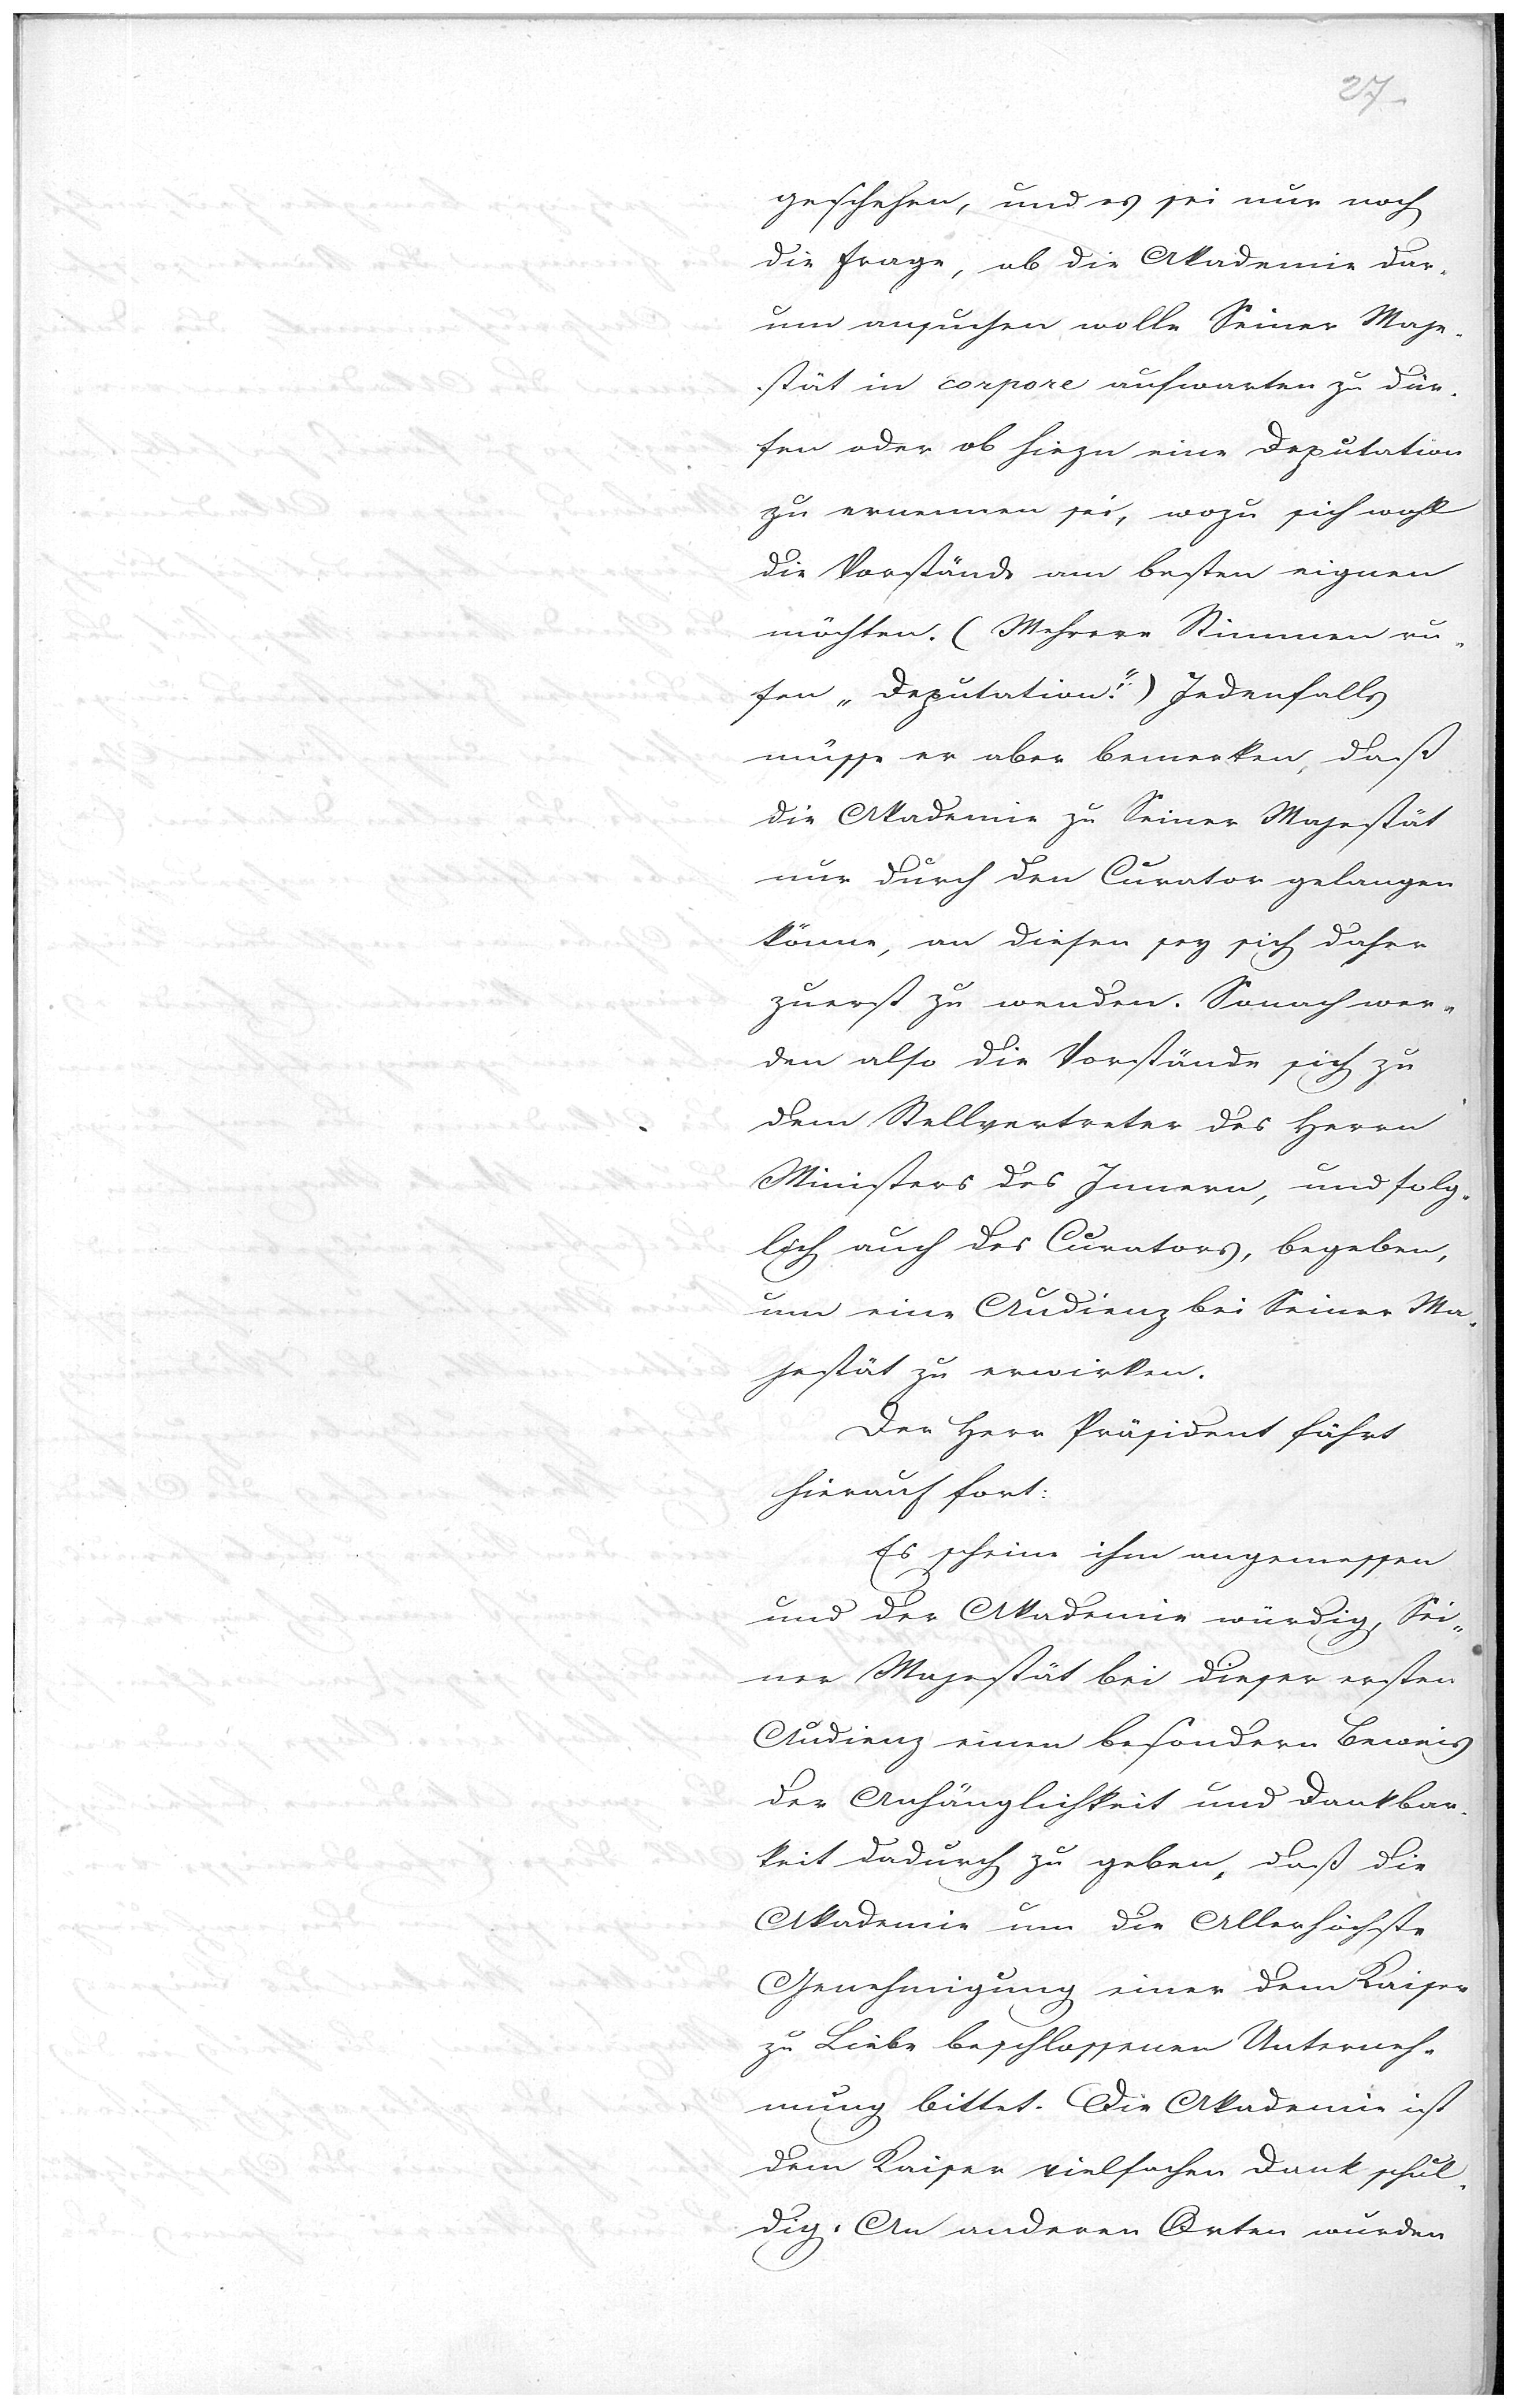geschehen, und es sein nur noch
die Frage, ob die Akademie dar-
um ansuchen wolle Seiner Maje-
stät in corpore aufwarten zu dür-
fen oder ob hiezu eine Deputation
zu ernennen seit, wozu sich wohl
die Vorstände am besten eigenen
möchte. (Mehrere Stimmen ru-
fen "Deputation!") Jedenfalls
müsse er aber bemerken, daß
die Akademie zu Seiner Majestät
nur durch den Curator gelangen
könne, an diesen sey sich daher
zuerst zu wenden. Sonach wer-
den also die Vorstände sich zu
dem Stellvertreter des Herrn
Ministers des Innern, und folg-
lich auch der Curators, begeben,
um eine Audienz bei Seiner Ma-
jestät zu erwirken.
Der Herr Präsident fährt
hierauf fort:
Es scheine ihm angemessen
und der Akademie würdig, Sei-
ner Majestät bei dieser ersten
Audienz einen besonderen Beweis
der Anhänglichkeit und Dankbar-
keit dadurch zu geben, daß die
Akademie um die Allerhöchste
Genehmigung einer dem Kaiser
zu Liebe beschlossenen Unterneh-
mung bittet. Die Akademie ist
dem Kaiser vielfachen Dank schul-
dig. An anderen Orten wurden